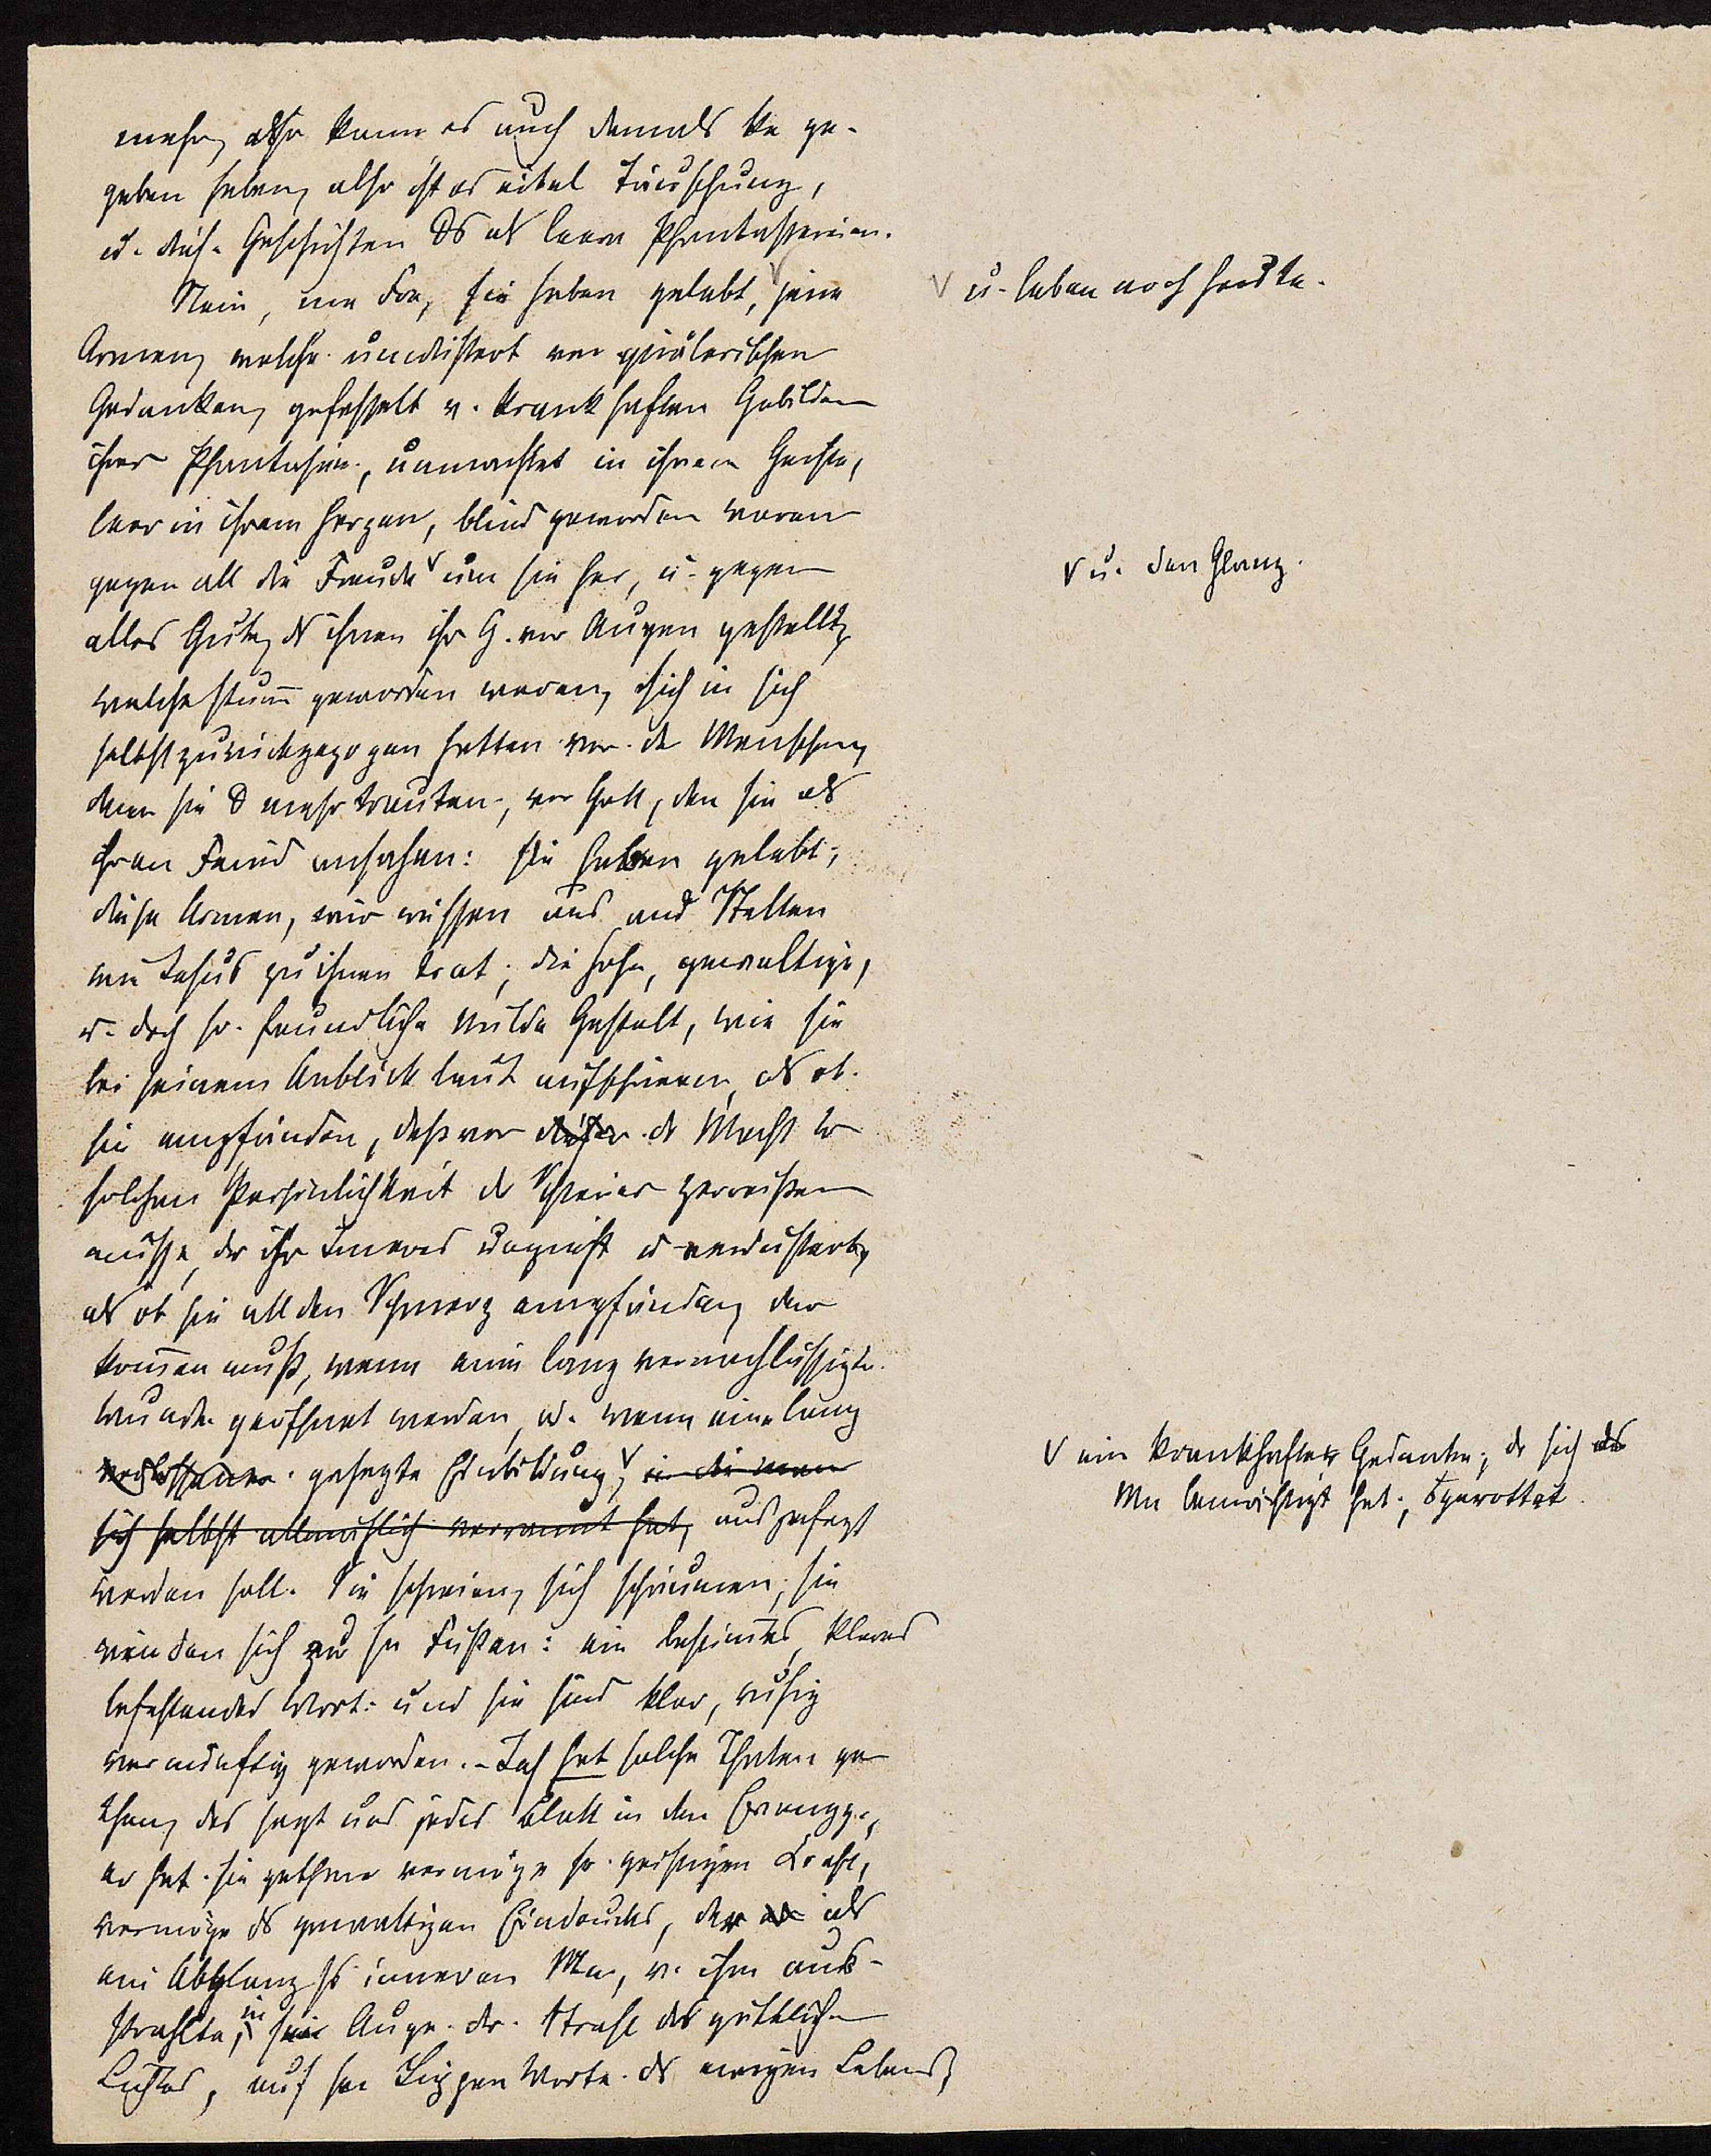mehr, also kann es auch damals kn ge¬
geben haben, also ist es eitel Täuschung,
u. dies. Geschichten os als leere Phantastereien.
Nein, m. Fr., sie haben gelebt, jene
Armen, welche undistert von quälerischen
Gedanken gefesselt u. krank sahen Gebilden
ihrer Phantasie, umnachtet in ihrem Geiste,
leer in ihrem Herzen, bling geworden waren
gegen all die Freude um sie her, u. gegen
alles Gute, ds ihnen ihr G. vor Augen gestellt,
welche stum geworden waren, sich in sich
selbst zurückgezogen hatten vor den Menschen,
denen sie o mehr trauten, vor Gott, den sie als
ihren Feind ansahen: sie haben gelebt,
diese Armen, wir müssen uns und Stellen
wie Jesus zu ihnen trat, die Hohe, gewaltige,
u. doch so freundliche milde Gestalt, wie sie
bei seinem Anblick laut auffschrieen, als ob
sie empfinden, daß vor dieser dr. Macht 1r
solchen Persönlichkeit dr Schreier zerreißen
müsse, dr ihr Inneres umzieht u. entdüstert,
als ob sie all den Schmerz empfinden, der
komen muß, wenn eine lang vernachlässigte
Wunde geöffnet werden, u. wenn eine lang
verschlossene. gesagte Einbildung, in die von
sich selbst allmählich verrannt hat, ausgesagt
werden soll. Sie schrien, sich schäumen, sie
winden sich zu sn Füßen: ein bestimtes klares
behelendes Wort: und sie sind klar, ruhig
vernünftig geworden. _ Jes hat solchte Thaten ge¬
than, das sagt uns jedes Blatt in den Evangg.,
er hat sie gethan vermöge sr geistigen Kraft,
vermöge ds gewaltigen Eindrucks, der er als
ein Abglanz ss inneren Mn, v. ihm aus¬
strahlte, in seine Auge dr. Strahl des geistlichen
Lichtes, auf sn Lippen Worte ds ewigen Lebens,
V u. leben noch heute.
V u. den Glanz.
V ein krankhafter Gedanke, dr sich ds
Mn bemächtigt hat; sgerottet.